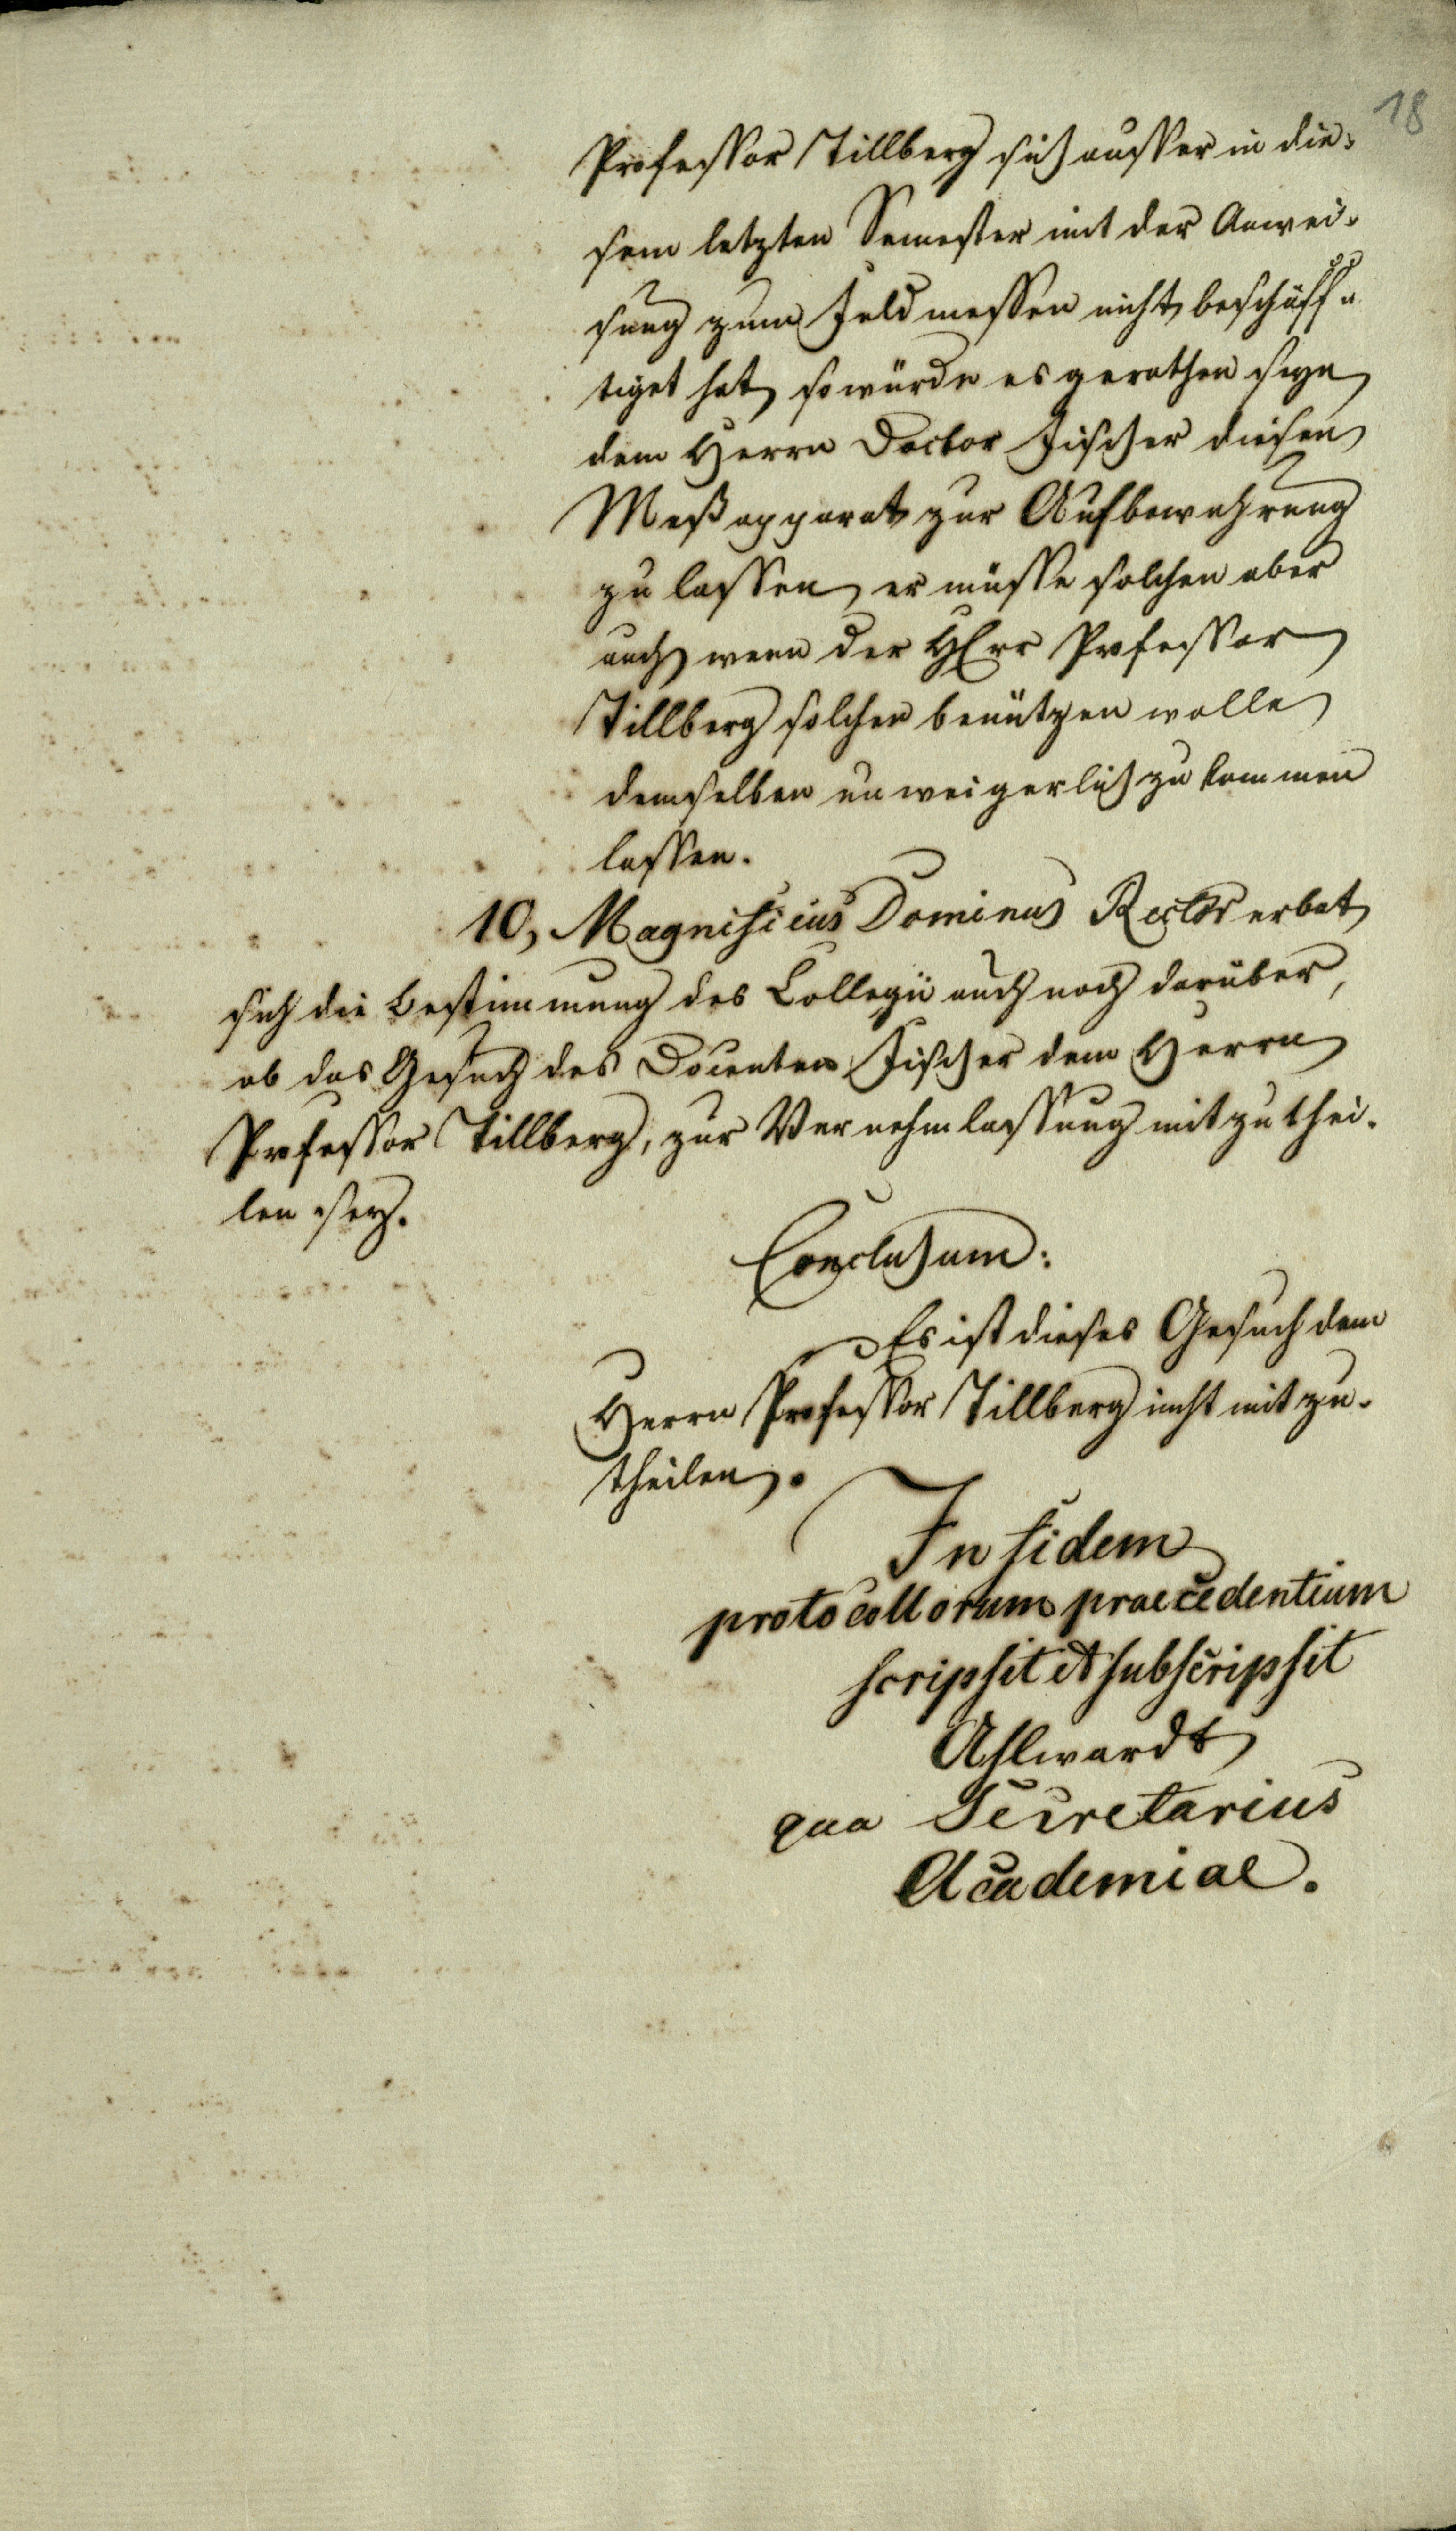Professor Tillberg sich ausser in die¬
sem letzten Semester mit der Anwei¬
sung zum Feldmessen nicht beschäff¬
tiget hat, so würde es gerathen seyn,
dem Herrn Doctor Fischer diesen
Meßapparat zur Aufbewahrung
zu lassen, er müsse solchen aber
auch, wenn der Herr Professor
Tillberg solchen benützen wolle,
demselben unweigerlich zukommen
lassen.
10, Magnificus Dominus Rector erbat
sich die Bestimmung des Collegii auch noch darüber,
ob das Gesuch des Docenten Fischer dem Herrn
Professor Tillberg, zur Vernehmlassung mitzuthei¬
len sey.
Conclusum:
Es ist dieses Gesuch dem
Herrn Professor Tillberg nicht mitzu¬
theilen.
In fidem
protocollorum praecedentium:
scripsit et subscripsit
Ahlwardt
qua Secretarius
Academiae.